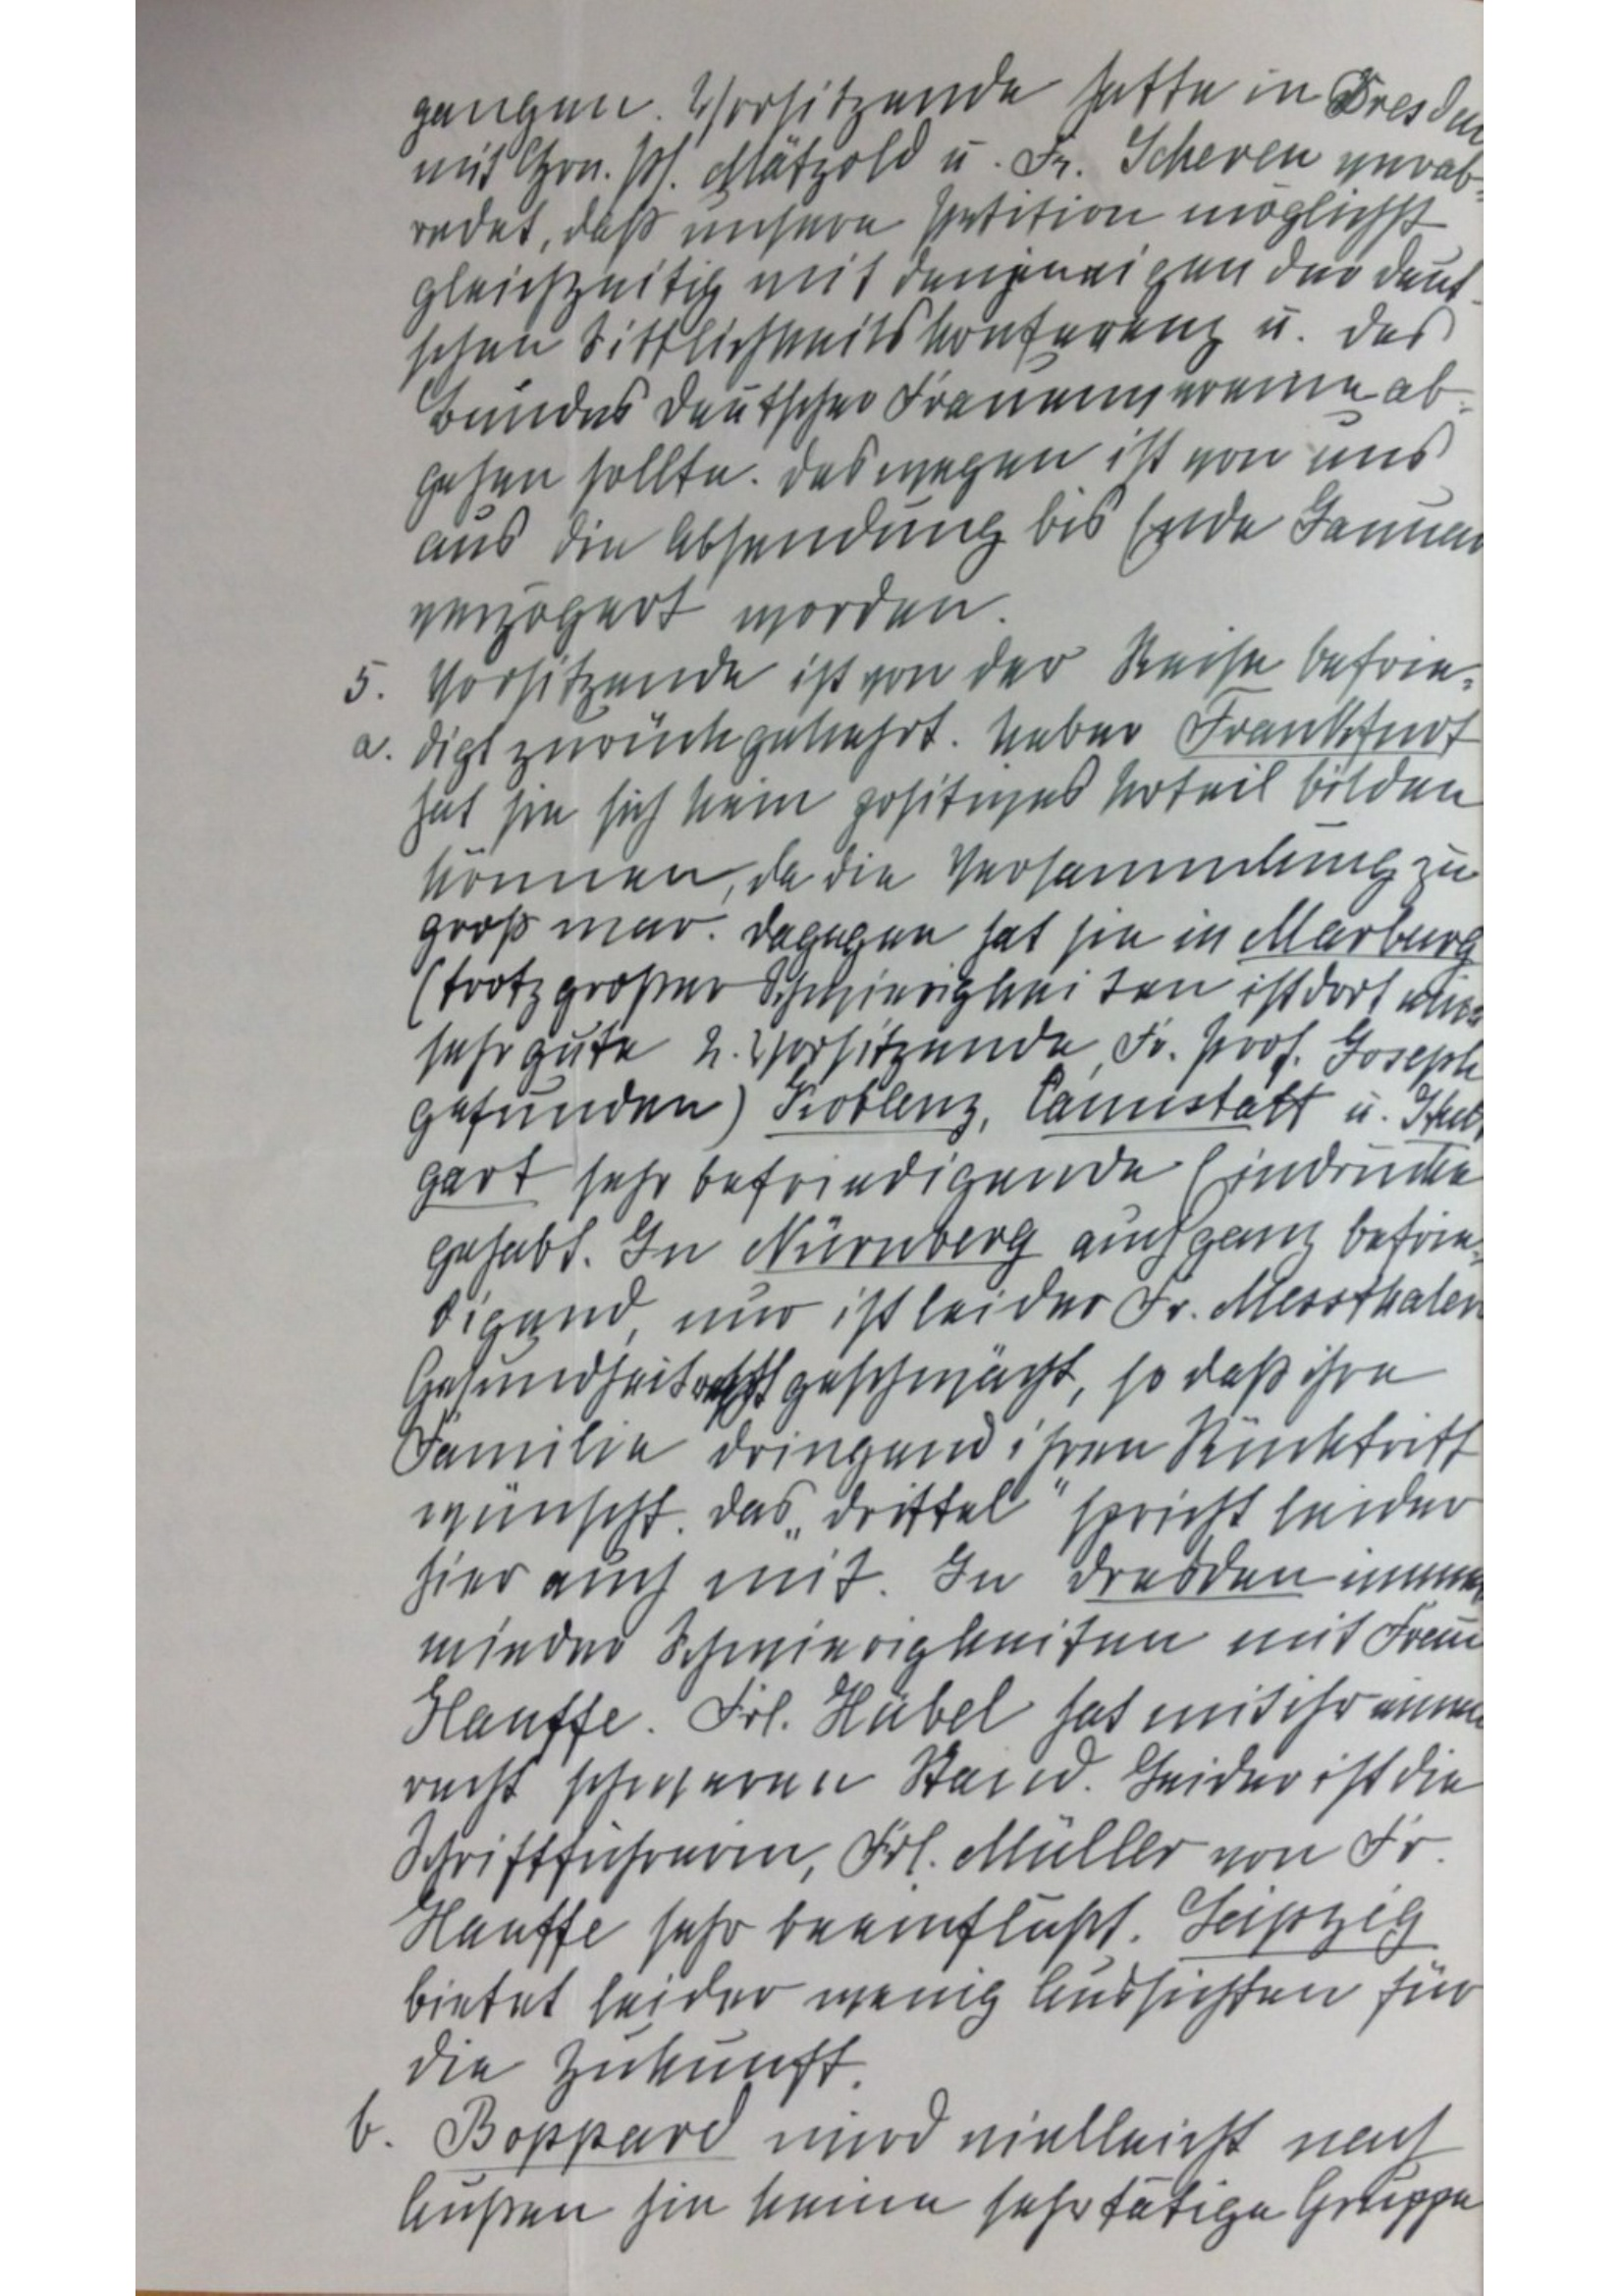5.
a
gangen. Voristzende hatte in Dresden
mit Hrn. Pf. Mätzls u. Fr. Scheren verab
redet, daß unsere Petition möglichst
gleichzeitig mit derendigen der deut
schen sittlichen Konferenz u des
Bundes deutscher Frauenvereine ab
geben sollte. Daswegen ist von uns
aus die ABfassung bis Ende Januar
verzögert worden.
Vorsitzende ist von der Reise befrie
digt zurück gekehrt. Über Franfurt
hat sie sich kein positives Urteil bilden
könnenm die die Versammlung zu
groß war. Dagegen hat sin in Marburg
(trotz großer Schwierigkeiten ist dort eine
sehr gute 2. Vorsitzende, Fr. Prof. Joseph
gefunden. Koblenz, Cannstatt u. Stutt
gart sehr befriedigende Eindrücke gehabt.
In Nürnberg auch ganz befrie
digend, nur ist leider Fr. Messthaler
Gesundheitlich geschwächt, so da0 ihre
Falimilie dringend ihren Rücktritt
wünscht. Das „Drittel" spricht leider
hier auch mit. In Desden immer
wieder Schwiereigkeiten mit Frau
Hauffe. Frl. Hübel hat mit ihr einen
recht schweren Stand. Leider ist die
Schriftführering Frl. Müller von Fr.
Hauffe sehr beeinflußt. Leipzig
bietet leider wenig Aussichten für
die Zukunft.
b. Boppard wird vielleicht nach
Au0en hin keine sehr tätige Gruppe